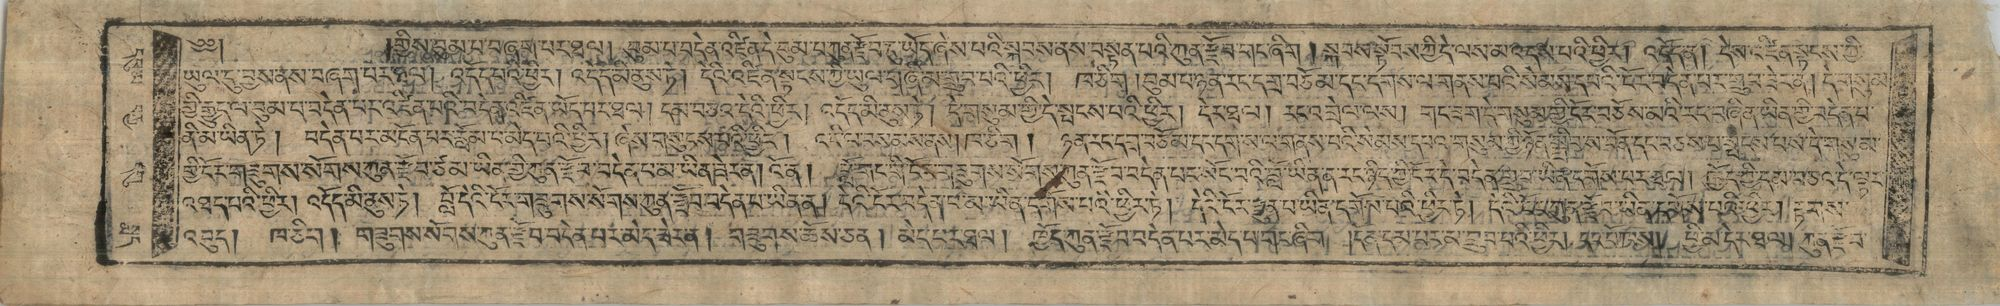༄༅། །གྱིས་བུམ་པ་བཞག་པར་ཐལ། བུམ་པ་བདེན་འཛིན་དེ་བུམ་པ་ཀུན་རྫོབ་དུ་ཡོད་ཞེས་པའི་སྐབས་ནས་བསྟན་པའི་ཀུན་རྫོབ་གང་ཞིག །སྐབས་སྟོབས་ཀྱི་དེ་ལས་མ་འདས་པའི་ཕྱིར། འདོད་ན། དེས་འཛིན་སྟངས་ཀྱི་
ཡུལ་དུ་བྱས་ནས་བཞག་པར་ཐལ། འདོད་པའི་ཕྱིར། འདོད་མི་ནུས་ཏེ། དེའི་འཛིན་སྟངས་ཀྱི་ཡུལ་གཞི་མ་གྲུབ་པའི་ཕྱིར། ཁ་ཅིག །བུམ་པ་ཉན་རང་དགྲ་བཅོམ་དང་དག་ས་ལ་གནས་པའི་སེམས་དཔའི་ངོར་བདེན་པར་གྲུབ་ཟེར་ན། དེ་གསུམ་
གྱི་རྒྱུད་ལ་བུམ་པ་བདེན་པར་འཛིན་པའི་བདེན་འཛིན་ཡོད་པར་ཐལ། དམ་བཅའ་དེའི་ཕྱིར། འདོད་མི་ནུས་ཏེ། དེ་གསུམ་གྱི་དེ་སྤངས་པའི་ཕྱིར། དེར་ཐལ། རང་འགྲེལ་ལས། གང་ཟག་དེ་གསུམ་གྱི་ངོར་བཅོས་མའི་རང་བཞིན་ཡིན་གྱི་བདེན་པ་
ནི་མ་ཡིན་ཏེ། བདེན་པར་མངོན་པར་རློམ་པ་མེད་པའི་ཕྱིར། ཞེས་གསུངས་པའི་ཕྱིར། འདི་ལ་བསམས་ནས། ཁ་ཅིག །ཉན་རང་དགྲ་བཅོམ་དང་དག་ས་ལ་གནས་པའི་སེམས་དཔའ་གསུམ་གྱི་ཉོན་སྒྲིབ་ས་བོན་དང་བཅས་པ་སྤངས་པས་དེ་གསུམ་
གྱི་ངོར་གཟུགས་སོགས་ཀུན་རྫོབ་ཙམ་ཡིན་གྱི་ཀུན་རྫོབ་བདེན་པ་མ་ཡིན་ཟེར་ན། འོ་ན། བློ་གང་གི་ངོར་གཟུགས་སོགས་ཀུན་རྫོབ་བདེན་པར་སོང་བའི་བློ་ཡིན་ན་རང་ཉིད་ཀྱི་ངོར་དེ་བདེན་གྲུབ་ཡིན་དགོས་པར་ཐལ། ཁྱོད་ཀྱི་དམ་བཅའ་དེ་ལྟར་
འཐད་པའི་ཕྱིར། འདོད་མི་ནུས་ཏེ། བློ་དེའི་ངོར་གཟུགས་སོགས་ཀུན་རྫོབ་བདེན་པ་ཡིན་ན། དེའི་ངོར་བདེན་པ་མ་ཡིན་དགོས་པའི་ཕྱིར་ཏེ། དེའི་ངོར་རྫུན་པ་ཡིན་དགོས་པའི་ཕྱིར་ཏེ། དེའི་ངོར་ཀུན་རྫོབ་ཡིན་དགོས་པའི་ཕྱིར། རྟགས་
འབུད། ཁ་ཅིག །གཟུགས་སོགས་ཀུན་རྫོབ་བདེན་པར་མེད་ཟེར་ན། གཟུགས་ཆོས་ཅན། མེད་པར་ཐལ། ཁྱོད་ཀུན་རྫོབ་བདེན་པར་མེད་པ་གང་ཞིག །དོན་དམ་པར་མ་གྲུབ་པའི་ཕྱིར། དང་པོ་ཁས། ཕྱི་མ་དེར་ཐལ། ཀུན་རྫོབ་